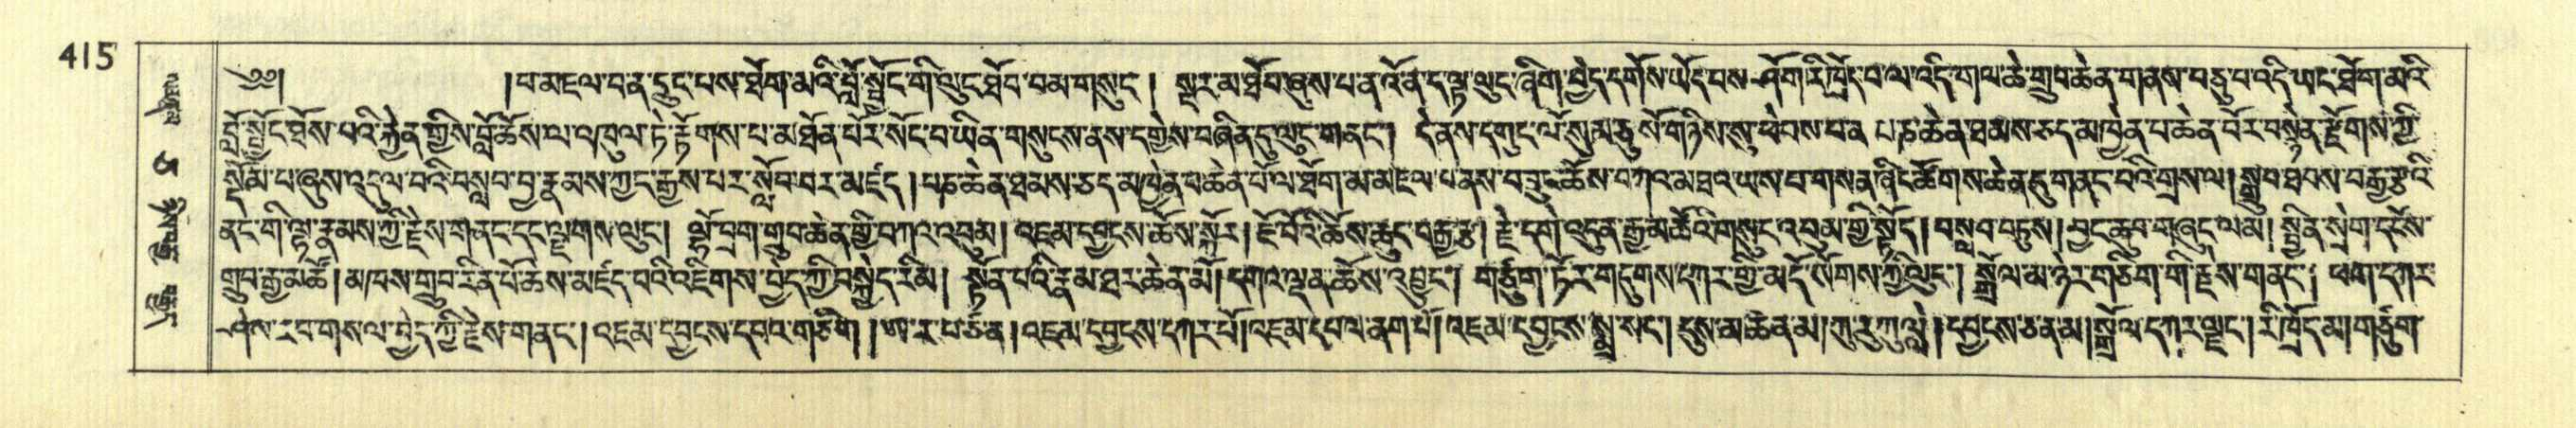༄༅། །པ་མཇལ་བ་ན་དྲུང་པས་ཐོག་མའི་བློ་སྦྱོང་གི་ལུང་ཐོབ་བམ་གསུང་། སྔར་མ་ཐོབ་ཞུས་པ་ན་འོ་ན་ད་ལྟ་ལུང་ཞིག་བྱེད་དགོས་ཡོད་བས་ཤོག་རི་ཁྲོད་བ་ལ་འདི་གལ་ཆེ་གྲུབ་ཆེན་གནས་བཅུ་པ་འདི་ཡང་ཐོག་མའི་
བློ་སྦྱོང་ཐོས་པའི་རྐྱེན་གྱིས་བློ་ཆོས་ལ་འཁུལ་ཏེ་རྟོགས་པ་མཐོན་པོར་སོང་བ་ཡིན་གསུངས་ནས་དགྱེས་བཞིན་དུ་ལུང་གནང་། དེ་ནས་དགུང་ལོ་སུམ་ཅུ་སོ་གཉིས་སུ་ཕེབས་བ་ན་པཎ་ཆེན་ཐམས་ཅད་མཁྱེན་པ་ཆེན་པོར་བསྙེན་རྫོགས་ཀྱི་
སྡོམ་པ་ཞུས་འདུལ་བའི་བསླབ་བྱ་རྣམས་ཀྱང་རྒྱས་པར་སློབ་བར་མཛད། པཎ་ཆེན་ཐམས་ཅད་མཁྱེན་པ་ཆེན་པོ་ལ་ཐོག་མ་མཇལ་པ་ནས་བཟུང་ཆོས་བཀའ་མཐའ་ཡས་པ་གསན་ཞིང་ཚོགས་ཆེན་དུ་གནང་བའི་གྲས་ལ། སྒྲུབ་ཐབས་བརྒྱ་རྩའི་
ནང་གི་ལྷ་རྣམས་ཀྱི་རྗེས་གནང་དང་ལྗགས་ལུང་། ལྷོ་བྲག་གྲུབ་ཆེན་གྱི་བཀའ་འབུམ། འཇམ་དབྱངས་ཆོས་སྐོར་།ཇོ་བོའི་ཆོས་ཆུང་བརྒྱ་རྩ། རྗེ་དགེ་འདུན་རྒྱ་མཚོའི་གསུང་འབུམ་གྱི་སྟོད། བསླབ་བཏུས། བྱང་ཆུབ་གཞུང་ལམ། སྦྱིན་སྲེག་དངོས་
གྲུབ་རྒྱ་མཚོ། མཁས་གྲུབ་རིན་པོ་ཆེས་མཛད་པའི་འཇིགས་བྱེད་ཀྱི་བསྐྱེད་རིམ། སྟོན་པའི་རྣམ་ཐར་ཆེན་མོ། དགའ་ལྡན་ཆོས་འབྱུང་། གཙུག་ཏོར་གདུགས་དཀར་གྱི་མདོ་སོགས་ཀྱི་ལུང་། སྒྲོལ་མ་ཉེར་གཅིག་གི་རྗེས་གནང་། ཕག་དཀར་
ཤེས་རབ་གསལ་བྱེད་ཀྱི་རྗེས་གནང་། འཇམ་དབྱངས་དབའ་གཅིག །ཨ་ར་པ་ཙ་ན། འཇམ་དབྱངས་དཀར་པོ། འཇམ་དཔལ་ནག་པོ། འཇམ་དབྱངས་སྨྲ་སང་། དུས་མ་ཆེན་མ། ཀུ་རུ་ཀུལླེ། དབྱངས་ཅ་ན་མ། སྒྲོལ་དཀར་ལྗང་། རི་ཁྲོད་མ། གཙུག་